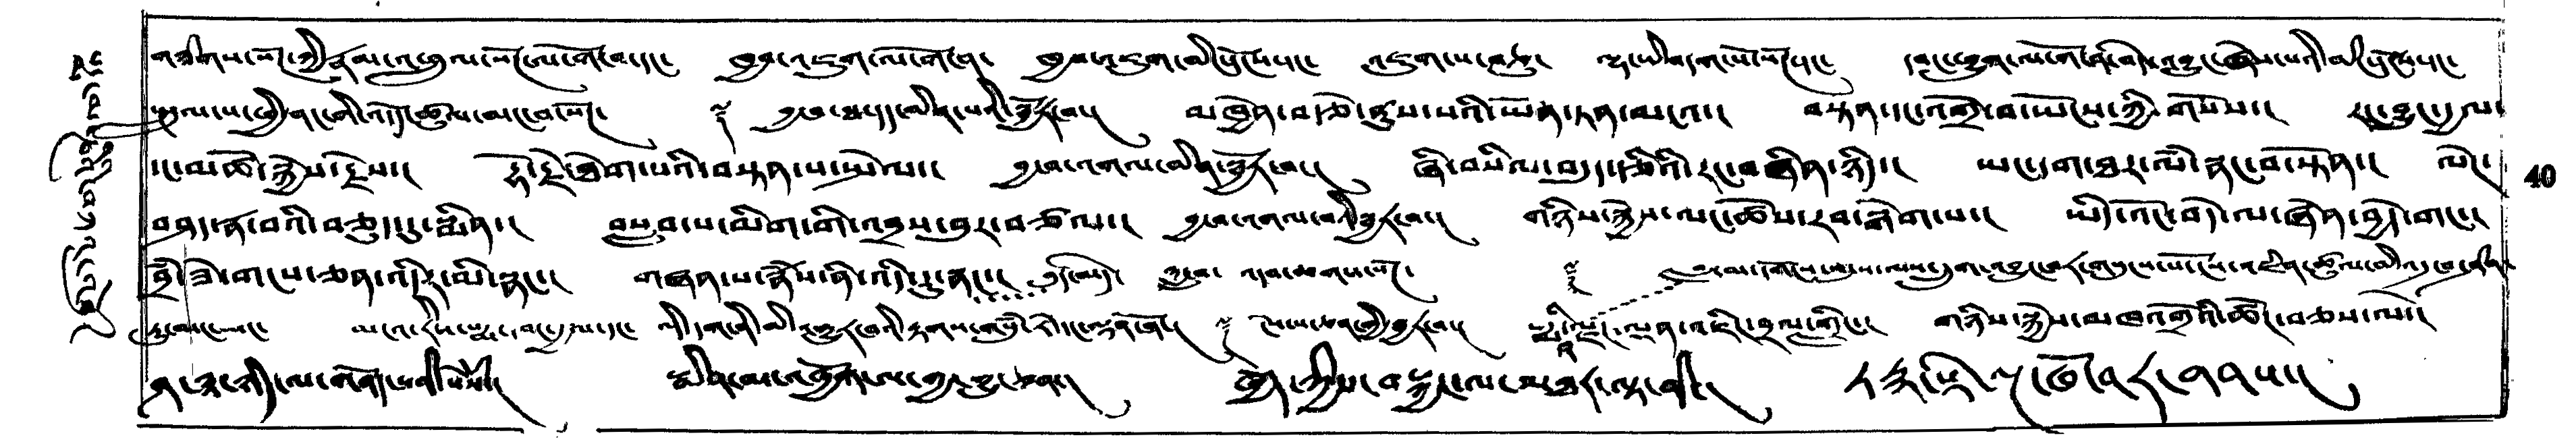གཟིགས་སོགས་ཀྱི་རྣམ་འཕྲུལ་སོགས་ལ་གོ་བ་དང་། ཁྱབ་འཇུག་ལ་གོ་ན། ཁྱབ་འཇུག་མིང་དངོས་དང་། འཇུག་པ་བཅུ། ལྷའི་བདག་པོ་སོགས་དང་། དབང་ཕྱུག་ལ་གོ་ན་བདེ་འབྱུང་ཞེས་པའི་མིང་དངོས་དང་། 
སྤྲུལ་པ་ཕྱི་ནང་གི་འདོད་ཚུལ་མང་བ་སོགས། ༈ བྱ་བ་ཐ་དད་མིན་པའི་སྦྱོར་བ། མཁྱེན་བརྩེ་ནུས་པའི་ཡོན་ཏན་མངའ། །བསྟན་དང་འགྲོ་བ་ཡོངས་ཀྱི་གསོས། །རང་བྱུང་རྒྱལ་
དང་མཚོ་སྐྱེས་རྗེས། །རྡོ་རྗེ་ཐེག་པའི་བསྟན་པ་སྤེལ། ། བྱ་བ་འགལ་མིན་སྦྱོར་བ། ཞི་བསིལ་བདུད་རྩིའི་རང་བཞིན་ཉིད། །ཡང་དག་ཐར་ལམ་སྣང་བ་སྟོན། །ལེགས་
བཤད་རྣ་བའི་བཅུད་དུ་སྨིན། །བསླབ་པ་མིག་གི་འབྲས་བུར་བཙལ།བྱ་བ་འགལ་བའི་སྦྱར་བ། གཉིས་སྐྱེས་ལང་ཚོས་རབ་སྒེག་པ། །ཡིད་འོང་བདེ་ལ་ཞེན་བྱེད་གང་། །
བྲམ་ཟེ་གངས་ཅན་འདིར་མི་སྣང་། །གཞན་པ་རྣམས་ནི་འདི་རུ་སྣང་། ། བུད་མེད། ཟླ་བ། འདབ་ཆགས་སོགས། ༈ ངེས་པ་ཅན་གྱི་སྦྱར་བ། པདྨའི་ལྗགས་ལྡན་འཇིགས་བྲལ་གླིང་། ། བླ་མ་དགོངས་འདུས་ལས་དྲུག་འབྱུང་བར་གསུངས་པ་ངོས་འཛིན་ཚུལ་མི་འདྲ་བ་ཤིན་
ཏུ་མང་ཡང་། མངའ་རིས་པདྨ་དབང་རྒྱལ་དང་། འདི་དག་ནི་མི་འགྱུར་བའི་རྟགས་གསུམ་རེ་དང་ལྡན་ནོ། གཉིས་སྐྱེས་མཁའ་འགྲོའི་ཚོགས་བཅས་ལ། །
ཤ་ཟ་ཉིད་ལ་གནོད་པའི་སེམས། །སྨིན་མ་འཁྱོག་ལ་གྱ་གྱུ་ཅན། །ཁྱོད་ཀྱིས་བསྐྱང་ལ་མཐར་ལྟ་ནི། །ཏརྐ་སྡེ་ལྔ་ཁོ་ནར་གནས།